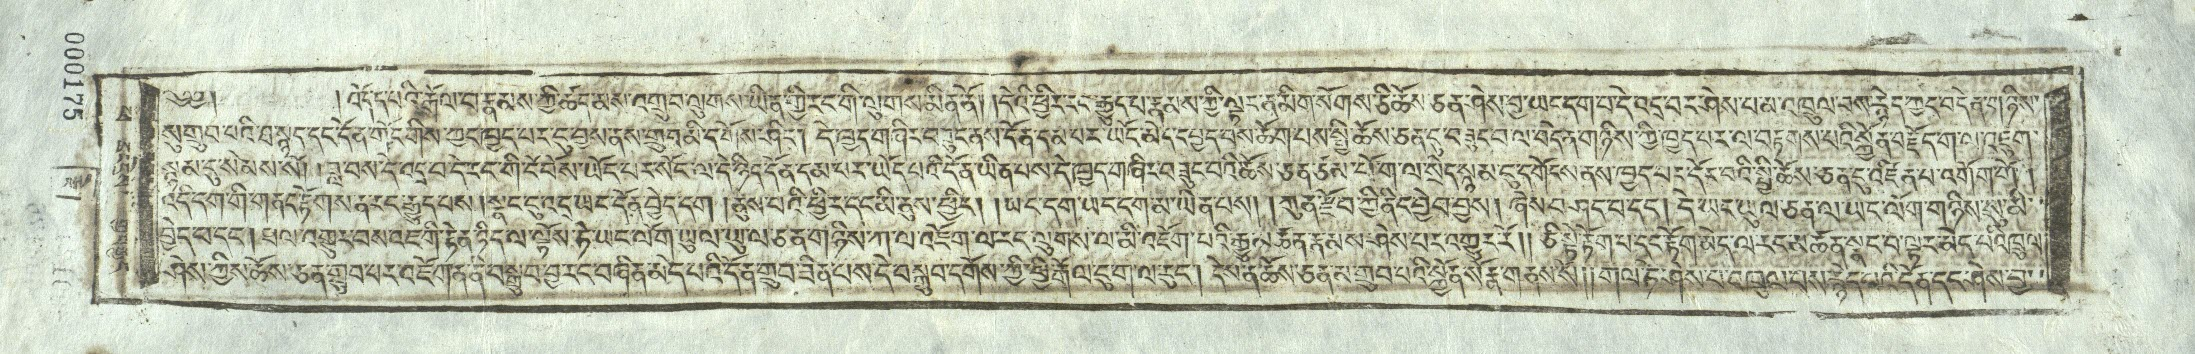༄༅། །འདོད་པའི་རྒོལ་བ་རྣམས་ཀྱི་ཚད་མས་འགྲུབ་ལུགས་ཡིན་གྱི་རང་གི་ལུགས་མིན་ནོ། །དེའི་ཕྱིར་རང་རྒྱུད་པ་རྣམས་ཀྱི་ལྟར་ན་མིག་སོགས་ཀྱི་ཆོས་ཅན་ཤེས་བྱ་ཡང་དག་པ་དེ་འདྲ་བར་ཤེས་པ་མ་འཁྲུལ་བས་རྙེད་ཀྱང་བདེན་གཉིས་
སུ་གྲུབ་པའི་ཐ་སྙད་དང་དོན་གང་གིས་ཀྱང་ཁྱད་པར་དུ་བྱས་ནས་གྲུབ་མི་དགོས་ཤིང་། དེ་ཁྱད་གཞིར་བཟུང་ནས་དོན་དམ་པར་ཡོད་མེད་དཔྱད་པས་ཆོག་པས་སྤྱི་ཆོས་ཅན་དུ་བཟུང་བ་ལ་བདེན་གཉིས་ཀྱི་ཁྱད་པར་ལ་བརྟགས་པའི་སྐྱོན་བརྗོད་ག་ལ་འཇུག་
སྙམ་དུ་སེམས་སོ། །ཟླ་བས་དེ་འདྲ་བ་དེ་རང་གི་ངོ་བོས་ཡོད་པར་སོང་ལ་དེ་ཉིད་དོན་དམ་པར་ཡོད་པའི་དོན་ཡིན་པས་དེ་ཁྱད་གཞིར་བཟུང་བའི་ཆོས་ཅན་ཙམ་པོ་ག་ལ་སྲིད་སྙམ་དུ་དགོངས་ནས་ཁྱད་པར་དོར་བའི་སྤྱི་ཆོས་ཅན་དུ་འཛིན་པ་འགོག་གོ།
འདི་དག་གི་གནད་རྟོགས་ན་རང་རྒྱུད་པས། སྣང་དུ་འདྲ་ཡང་དོན་བྱེད་དག །ནུས་པའི་ཕྱིར་དང་མི་ནུས་ཕྱིར། །ཡང་དག་ཡང་དག་མ་ཡིན་པས། །ཀུན་རྫོབ་ཀྱི་ནི་དབྱེ་བ་བྱས། ཞེས་བཤད་པ་དང་། དེ་ཡང་ཡུལ་ཅན་ལ་ཡང་ལོག་གཉིས་སུ་མི་
བྱེད་པ་དང་། ཐལ་འགྱུར་བས་འཇིག་རྟེན་ཉིད་ལ་ལྟོས་ཏེ་ཡང་ལོག་ཡུལ་ཡུལ་ཅན་གཉིས་ཀ་ལ་འཇོག་ལ་རང་ལུགས་ལ་མི་འཇོག་པའི་རྒྱུ་མཚན་རྣམས་ཤེས་པར་འགྱུར་རོ། །ཅི་སྟེ་རྟོག་པ་དང་རྟོག་མེད་ལ་རང་མཚན་སྣང་བ་ལྟར་མེད་པའི་འཁྲུལ་
ཤེས་ཀྱིས་ཆོས་ཅན་གྲུབ་པར་འཇོག་ན་ནི་བསྒྲུབ་བྱ་རང་བཞིན་མེད་པའི་དོན་གྲུབ་ཟིན་པས་དེ་བསྒྲུབ་དགོས་ཀྱི་ཕྱི་རྒོལ་དུ་ག་ལ་རུང་། དེས་ན་ཆོས་ཅན་མ་གྲུབ་པའི་སྐྱོན་སོ་ན་གནས་སོ། །གལ་ཏེ་ཤེས་པ་འཁྲུལ་པས་རྙེད་པའི་དོན་དང་ཤེས་བྱ་